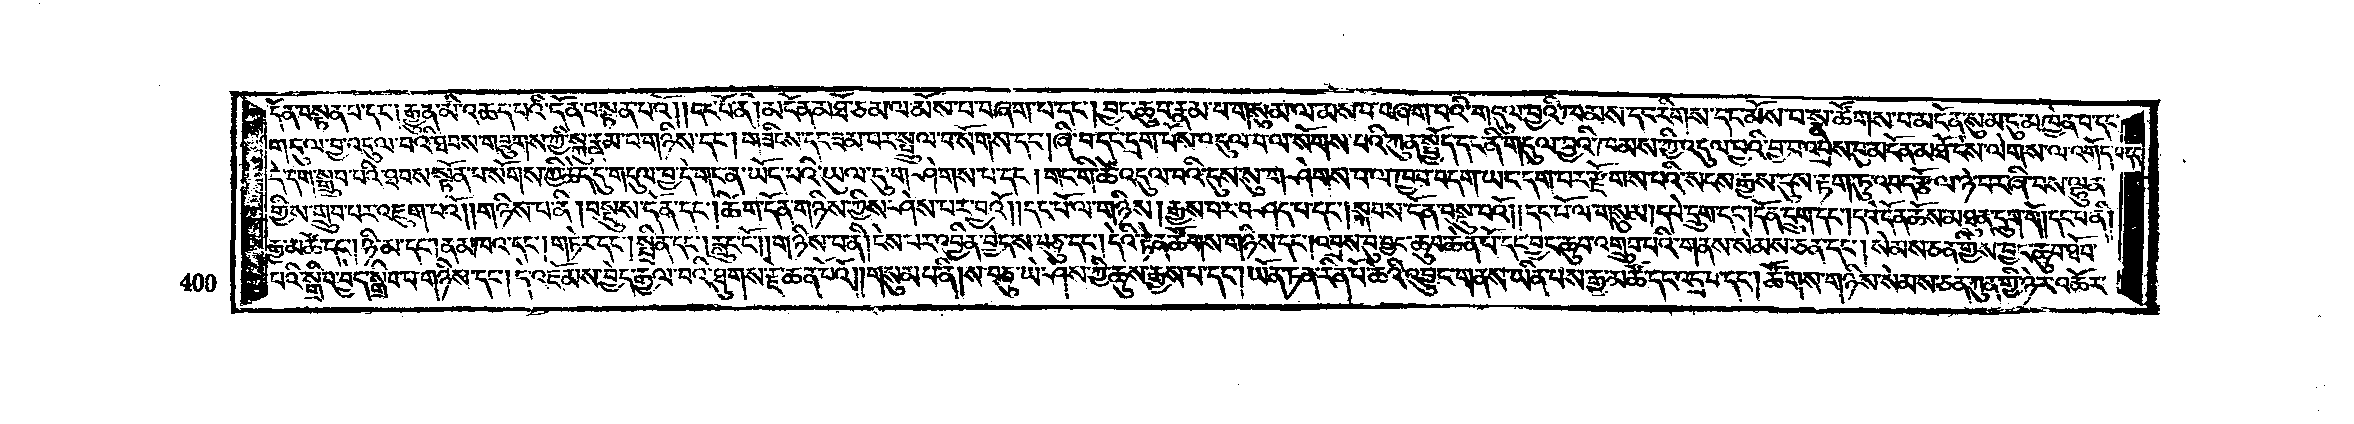དོན་བསྟན་པ་དང་། རྒྱུན་མི་འཆད་པའི་དོན་བསྟན་པའོ། །དང་པོ་ནི། མངོན་མཐོ་ཙམ་ལ་མོས་པ་བཞག་པ་དང་། བྱང་ཆུབ་རྣམ་པ་གསུམ་ལ་མས་པ་བཞག་པའི་གདུལ་བྱའི་ཁམས་དང་རིགས་དང་མོས་པ་སྣ་ཚོགས་པ་མངོན་སུམ་དུ་མཁྱེན་པ་དང་
གདུལ་བྱ་འདུལ་བའི་ཐབས་གཟུགས་ཀྱི་སྐུ་རྣམ་པ་གཉིས་དང་། གཟིངས་དང་ཟམ་པར་སྤྲུལ་པ་སོགས་དང་། ཞི་བ་དང་དྲག་པོས་འདུལ་བ་ལ་སོགས་པའི་ཀུན་སྤྱོད་དང་ནི་གདུལ་བྱའི་ཁམས་ཀྱི་འདུལ་བྱའི་བྱ་བ་འབྲས་བུ་མངོན་མཐོ་ངེས་ལེགས་ལ་འགོད་པ་དང་
དེ་དག་སྒྲུབ་པའི་ཐབས་སྟོན་པ་སོགས་ཀྱི་ཆེད་དུ་གདུལ་བྱ་དེ་གང་ན་ཡོད་པའི་ཡུལ་དུ་གཤེགས་པ་དང་། གང་གི་ཚེ་འདུལ་བའི་དུས་སུ་གཤེགས་པ་ལ་ཁྱབ་བདག་ཡང་དག་པར་རྫོགས་པའི་སངས་རྒྱས་དུས་རྟག་ཏུ་འབད་རྩོལ་ཉེ་བར་ཞི་བས་ལྷུན་
གྱིས་གྲུབ་པར་འཇུག་པའོ། །གཉིས་པ་ནི། བསྡུས་དོན་དང་། ཚིག་དོན་གཉིས་ཀྱིས་ཤེས་པར་བྱའོ། །དང་པོ་ལ་གཉིས། རྒྱས་པར་བཤད་པ་དང་། སྐབས་དོན་བསྡུ་བའོ། །དང་པོ་ལ་གསུམ། དཔེ་དྲུག་དང་། དོན་དྲུག་དང་། དཔེ་དོན་ཆོས་མཐུན་དྲུག་གོ །དང་པོ་ནི།
རྒྱ་མཚོ་དང་། ཉི་མ་དང་། ནམ་མཁའ་དང་། གཏེར་དང་། སྤྲིན་དང་། རླུང་ངོ། །གཉིས་པ་ནི། ངེས་པར་འབྱིན་བྱེད་ས་བཅུ་དང་། དེའི་རྟེན་ཚོགས་གཉིས་དང་། འབྲས་བུ་བྱང་ཆུབ་ཆེན་པོ་དང་བྱང་ཆུབ་འགྲུབ་པའི་གནས་སེམས་ཅན་དང་། སེམས་ཅན་གྱིས་བྱང་ཆུབ་ཐོབ་
པའི་སྒྲིབ་བྱེད་སྒྲིབ་པ་གཉིས་དང་། དེ་འཇོམས་བྱེད་རྒྱལ་བའི་ཐུགས་རྗེ་ཆེན་པོའོ། །གསུམ་པ་ནི། ས་བཅུ་ཡེ་ཤེས་ཀྱི་ཆུས་རྒྱས་པ་དང་། ཡོན་ཏན་རིན་པོ་ཆེའི་འབྱུང་གནས་ཡིན་པས་རྒྱ་མཚོ་དང་འདྲ་བ་དང་། ཚོགས་གཉིས་སེམས་ཅན་ཀུན་གྱི་ཉེར་འཚོར་